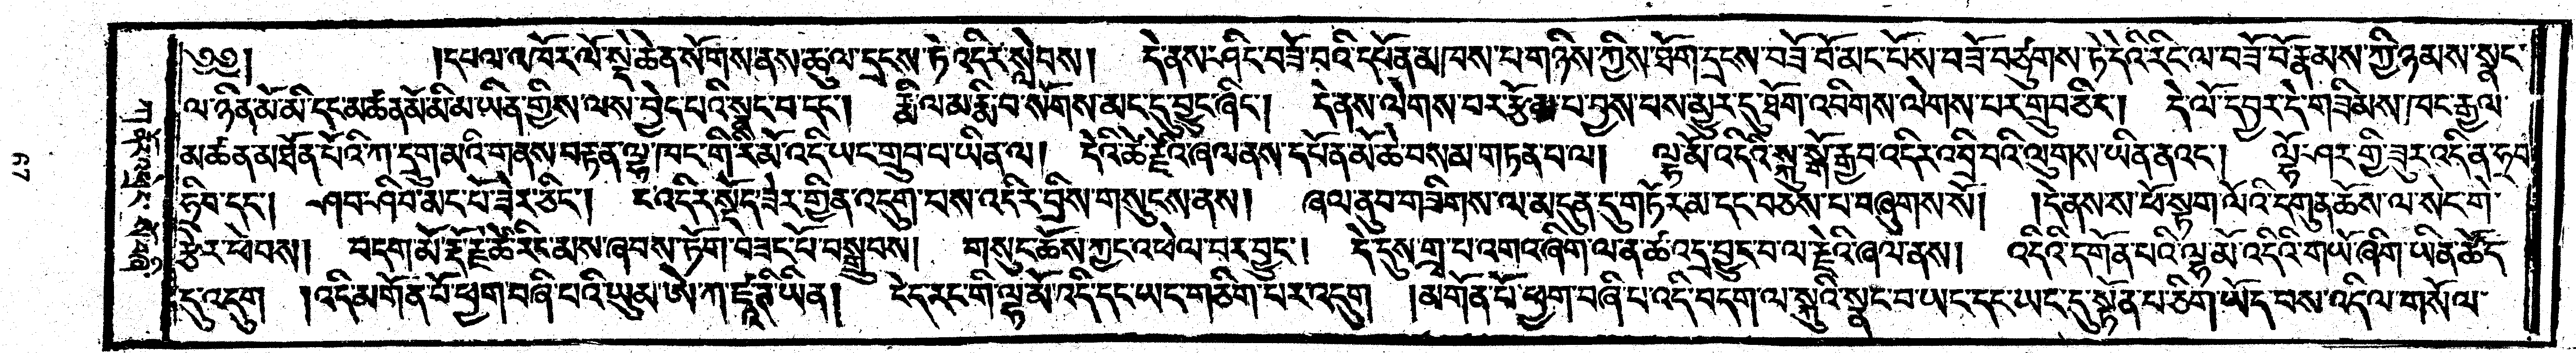༄༅། །དཔལ་འཁོར་ལོ་སྡེ་ཆེན་སོགས་ནས་ཆུ་ལ་དྲངས་ཏེ་འདིར་སླེབས། དེ་ནས་ཤིང་བཟོ་བའི་དཔོན་མཁས་པ་གཉིས་ཀྱིས་ཐོག་དྲངས་བཟོ་བོ་མང་པོས་བཟོ་བཙུགས་ཏེ་དེའི་རིང་ལ་བཟོ་བོ་རྣམས་ཀྱི་ཉམས་སྣང་
ལ་ཉིན་མོ་མི་དང་མཚན་མོ་མི་མ་ཡིན་གྱིས་ལས་བྱེད་པའི་སྣང་བ་དང་། རྨི་ལམ་རྨི་བ་སོགས་མང་དུ་བྱུང་ཞིང་། དེ་ནས་ལེགས་བར་རྩོམ་པ་བྱས་པས་མྱུར་དུ་ཐོག་འབིགས་ལེགས་པར་གྲུབ་ཅིང་། དེ་ལོ་དབྱར་དེ་གཟིམས་ཁང་རྒྱལ་
མཚན་མཐོན་པོའི་ཀ་དྲུག་མའི་གནས་བརྟན་ལྷ་ཁང་གི་རི་མོ་འདི་ཡང་གྲུབ་པ་ཡིན་ལ། དེའི་ཚེ་རྗེའི་ཞལ་ནས་དཔོན་མོ་ཆེ་བསམ་གཏན་པ་ལ། ལྷ་མོ་འདིའི་སྐུ་སྒོ་རྒྱབ་འདིར་འབྲི་བའི་ལུགས་ཡིན་ནའང་། ལྷོ་ཤར་གྱི་ཟུར་འདི་ན་ཧྲབ་
ཧྲིབ་དང་། ཤབ་ཤིབ་མང་པོ་ཟེར་ཅིང་། ང་འདིར་སྡོད་ཟེར་གྱིན་འདུག་པས་འདིར་བྲིས་གསུངས་ནས། ཞལ་ནུབ་གཟིགས་ལ་མདུན་དུ་གཏོར་མ་དང་བཅས་པ་བཞུགས་སོ། །དེ་ནས་ས་ཕོ་སྟག་ལོའི་དགུན་ཆོས་ལ་སེང་གེ་
རྩེར་ཕེབས། བདག་མོ་རྡོ་རྗེ་ཚེ་རིང་མས་ཞབས་ཏོག་བཟང་པོ་བསྒྲུབས། གསུང་ཆོས་ཀྱང་འཕེལ་བར་བྱུང་། དེ་དུས་གྲྭ་པ་འགའ་ཞིག་ལ་ན་ཚ་འདྲ་བྱུང་བ་ལ་རྗེའི་ཞལ་ནས། འདིའི་དགོན་པའི་ལྷ་མོ་འདིའི་གཡོ་ཞིག་ཡིན་ཚོད་
དུ་འདུག །འདི་མགོན་པོ་ཕྱག་བཞི་པའི་ཡུམ་ཨེ་ཀ་ཛཱ་ཊི་ཡིན། ངེད་རང་གི་ལྷ་མོ་འདི་དང་ཡང་གཅིག་པར་འདུག །མགོན་པོ་ཕྱག་བཞི་པ་འདི་བདག་ལ་སྐུའི་སྣང་བ་ཡང་དང་ཡང་དུ་སྟོན་པ་ཅིག་ཡོད་པས་འདི་ལ་གསོལ་